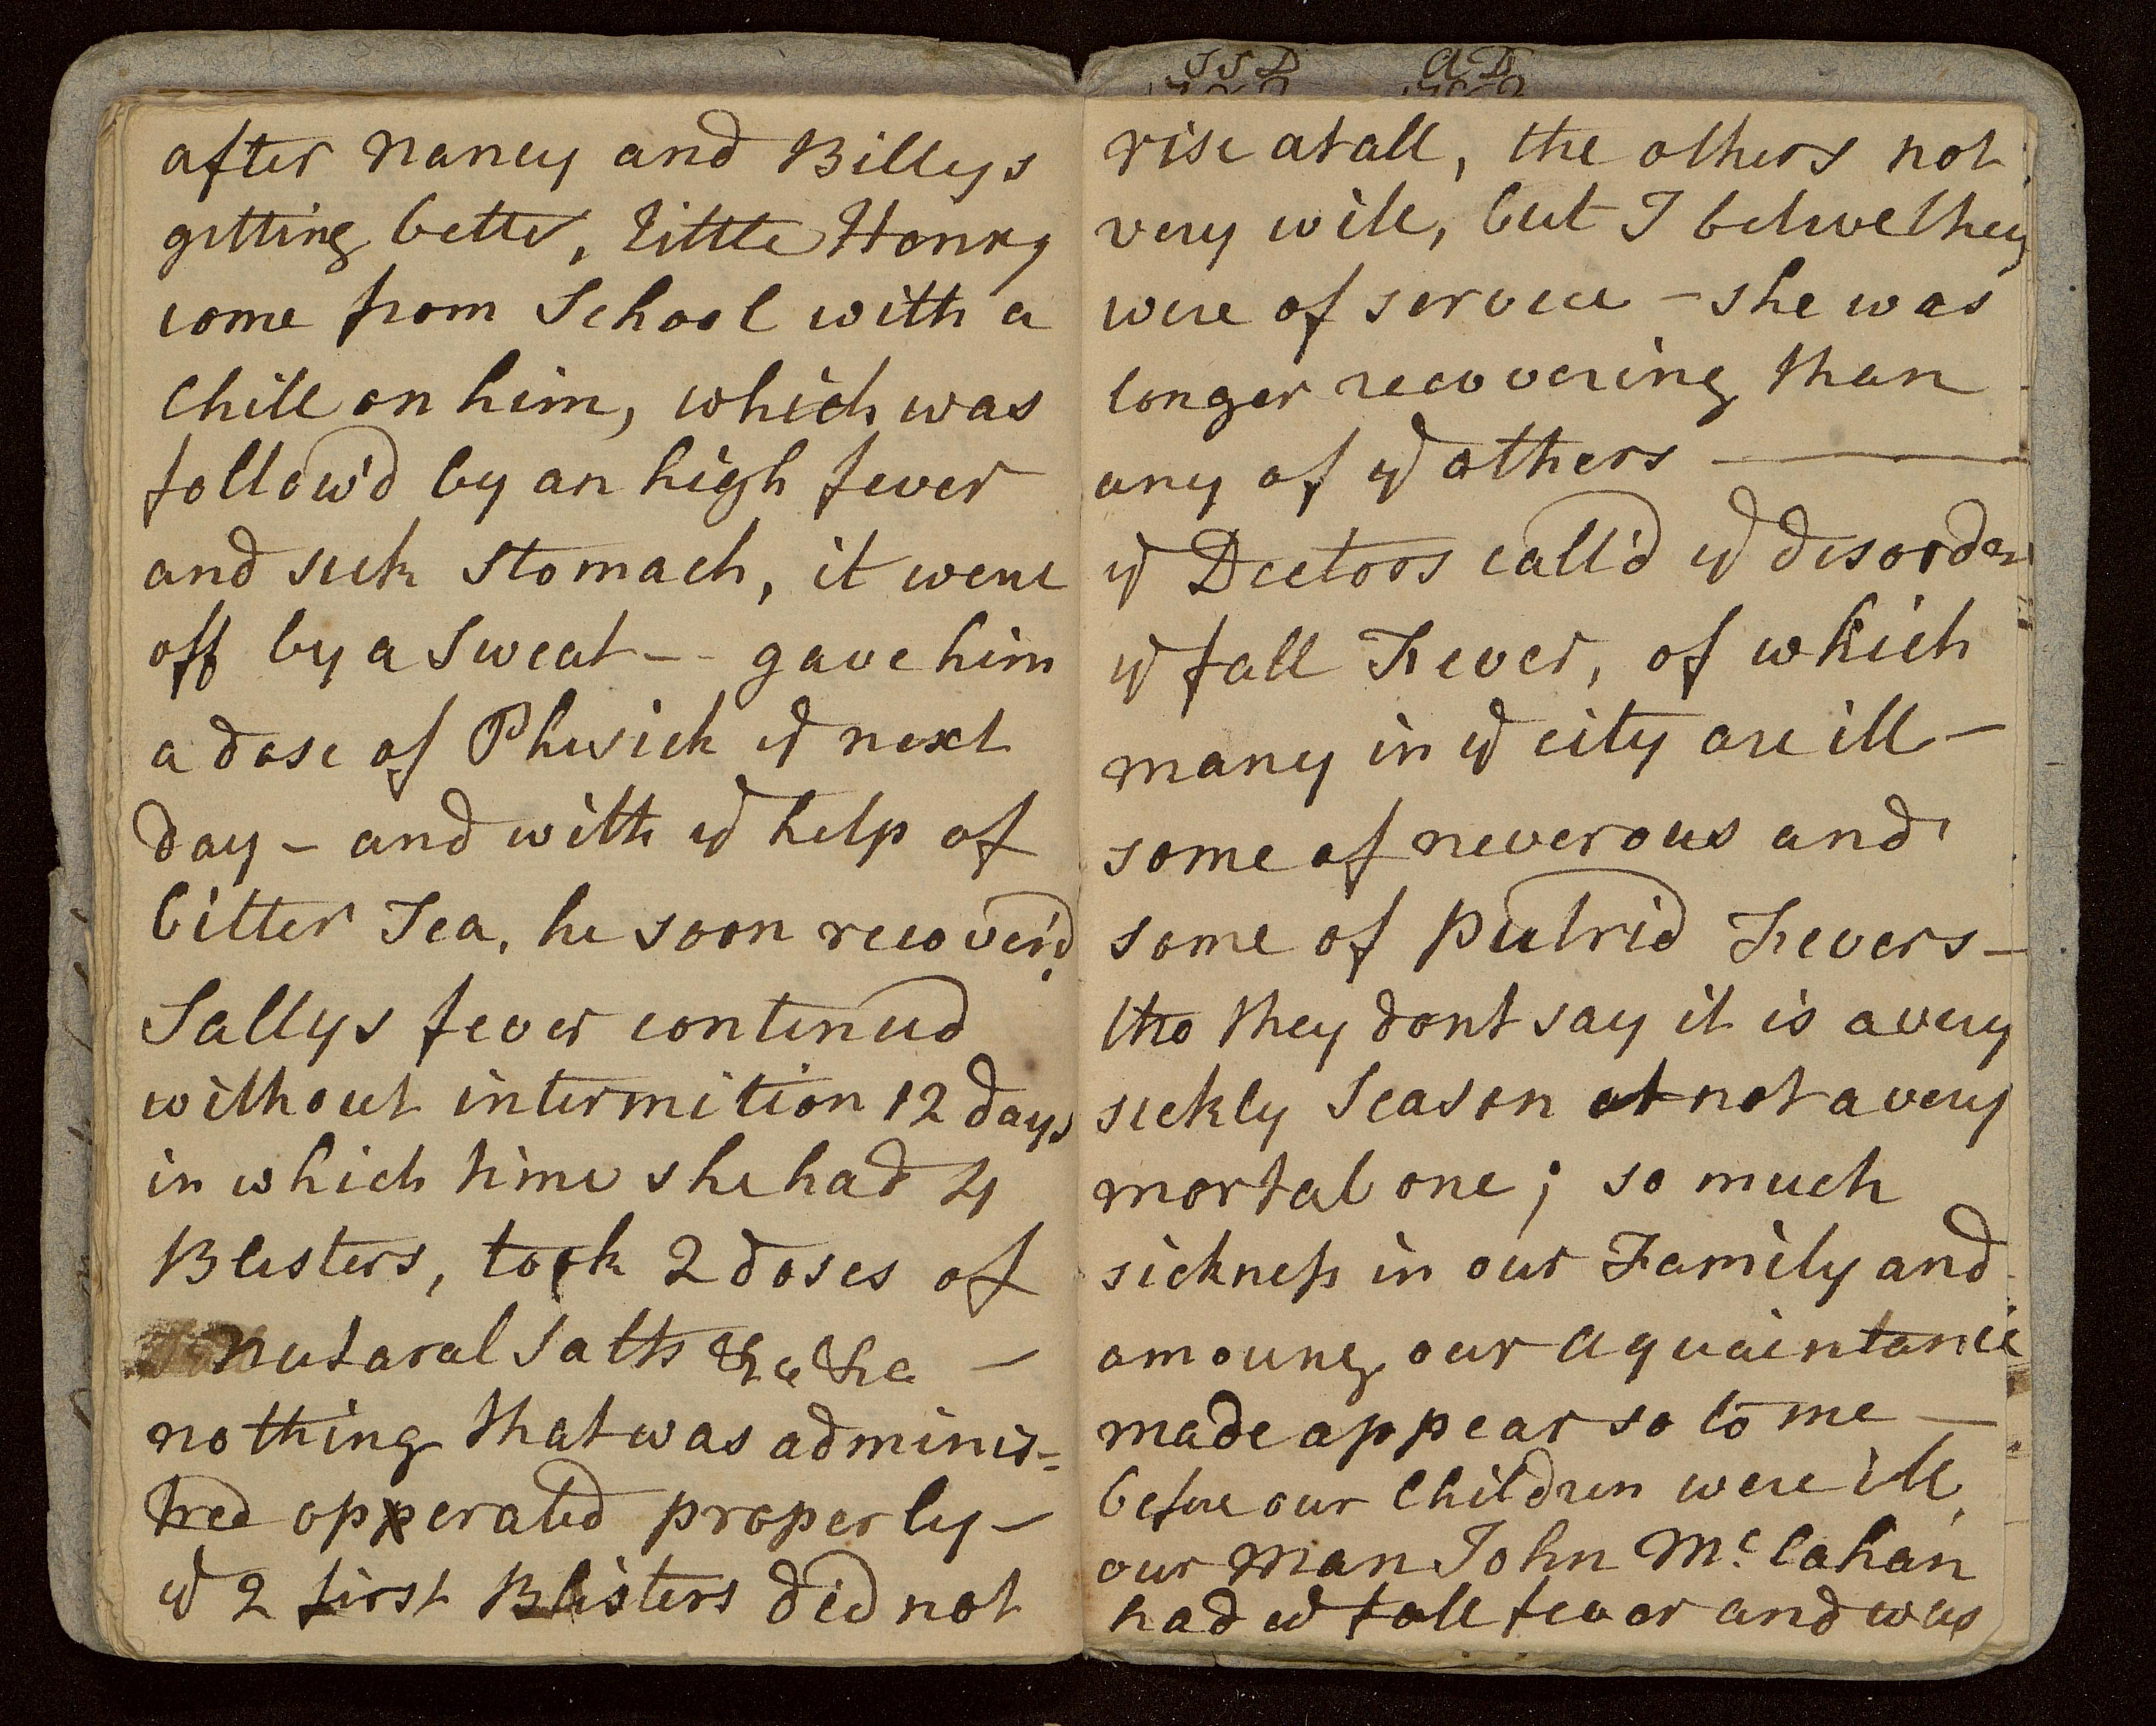after Nancy and Billys
gitting better, little Henry
come from School with a
Chill on him, which was
follow'd by an high fever
and sick stomach, it went
off by a Sweat-- gave him
a dose af Phisick y^e next
day- and with y^e help of
bitter Tea, he soon recover'd
Sallys fever continud
without intermition 12 days
in which time she had 4
Blisters, took 2 doses of
Nutaral Satts &c &c
nothing that was adminis-
tred opperated properly-
y^e 2 first Blisters did not
rise at all, the others not
very will, but I belive they
were of service-, she was
longer recovering than
any of y^e others-
y^e Dectors call'd y^e disorder
y^e fall Fever, of which
many in y^e city are ill
some of neverous and
some of putrid Fevers-
tho they dont say it is a very
sickly season at not a very
mortal one; so much
sickness in out Family and
amoung our aquaintance
made appear so to me-
before our Children were ill
our Man John M^c Cahan
had y^e fall fever and was